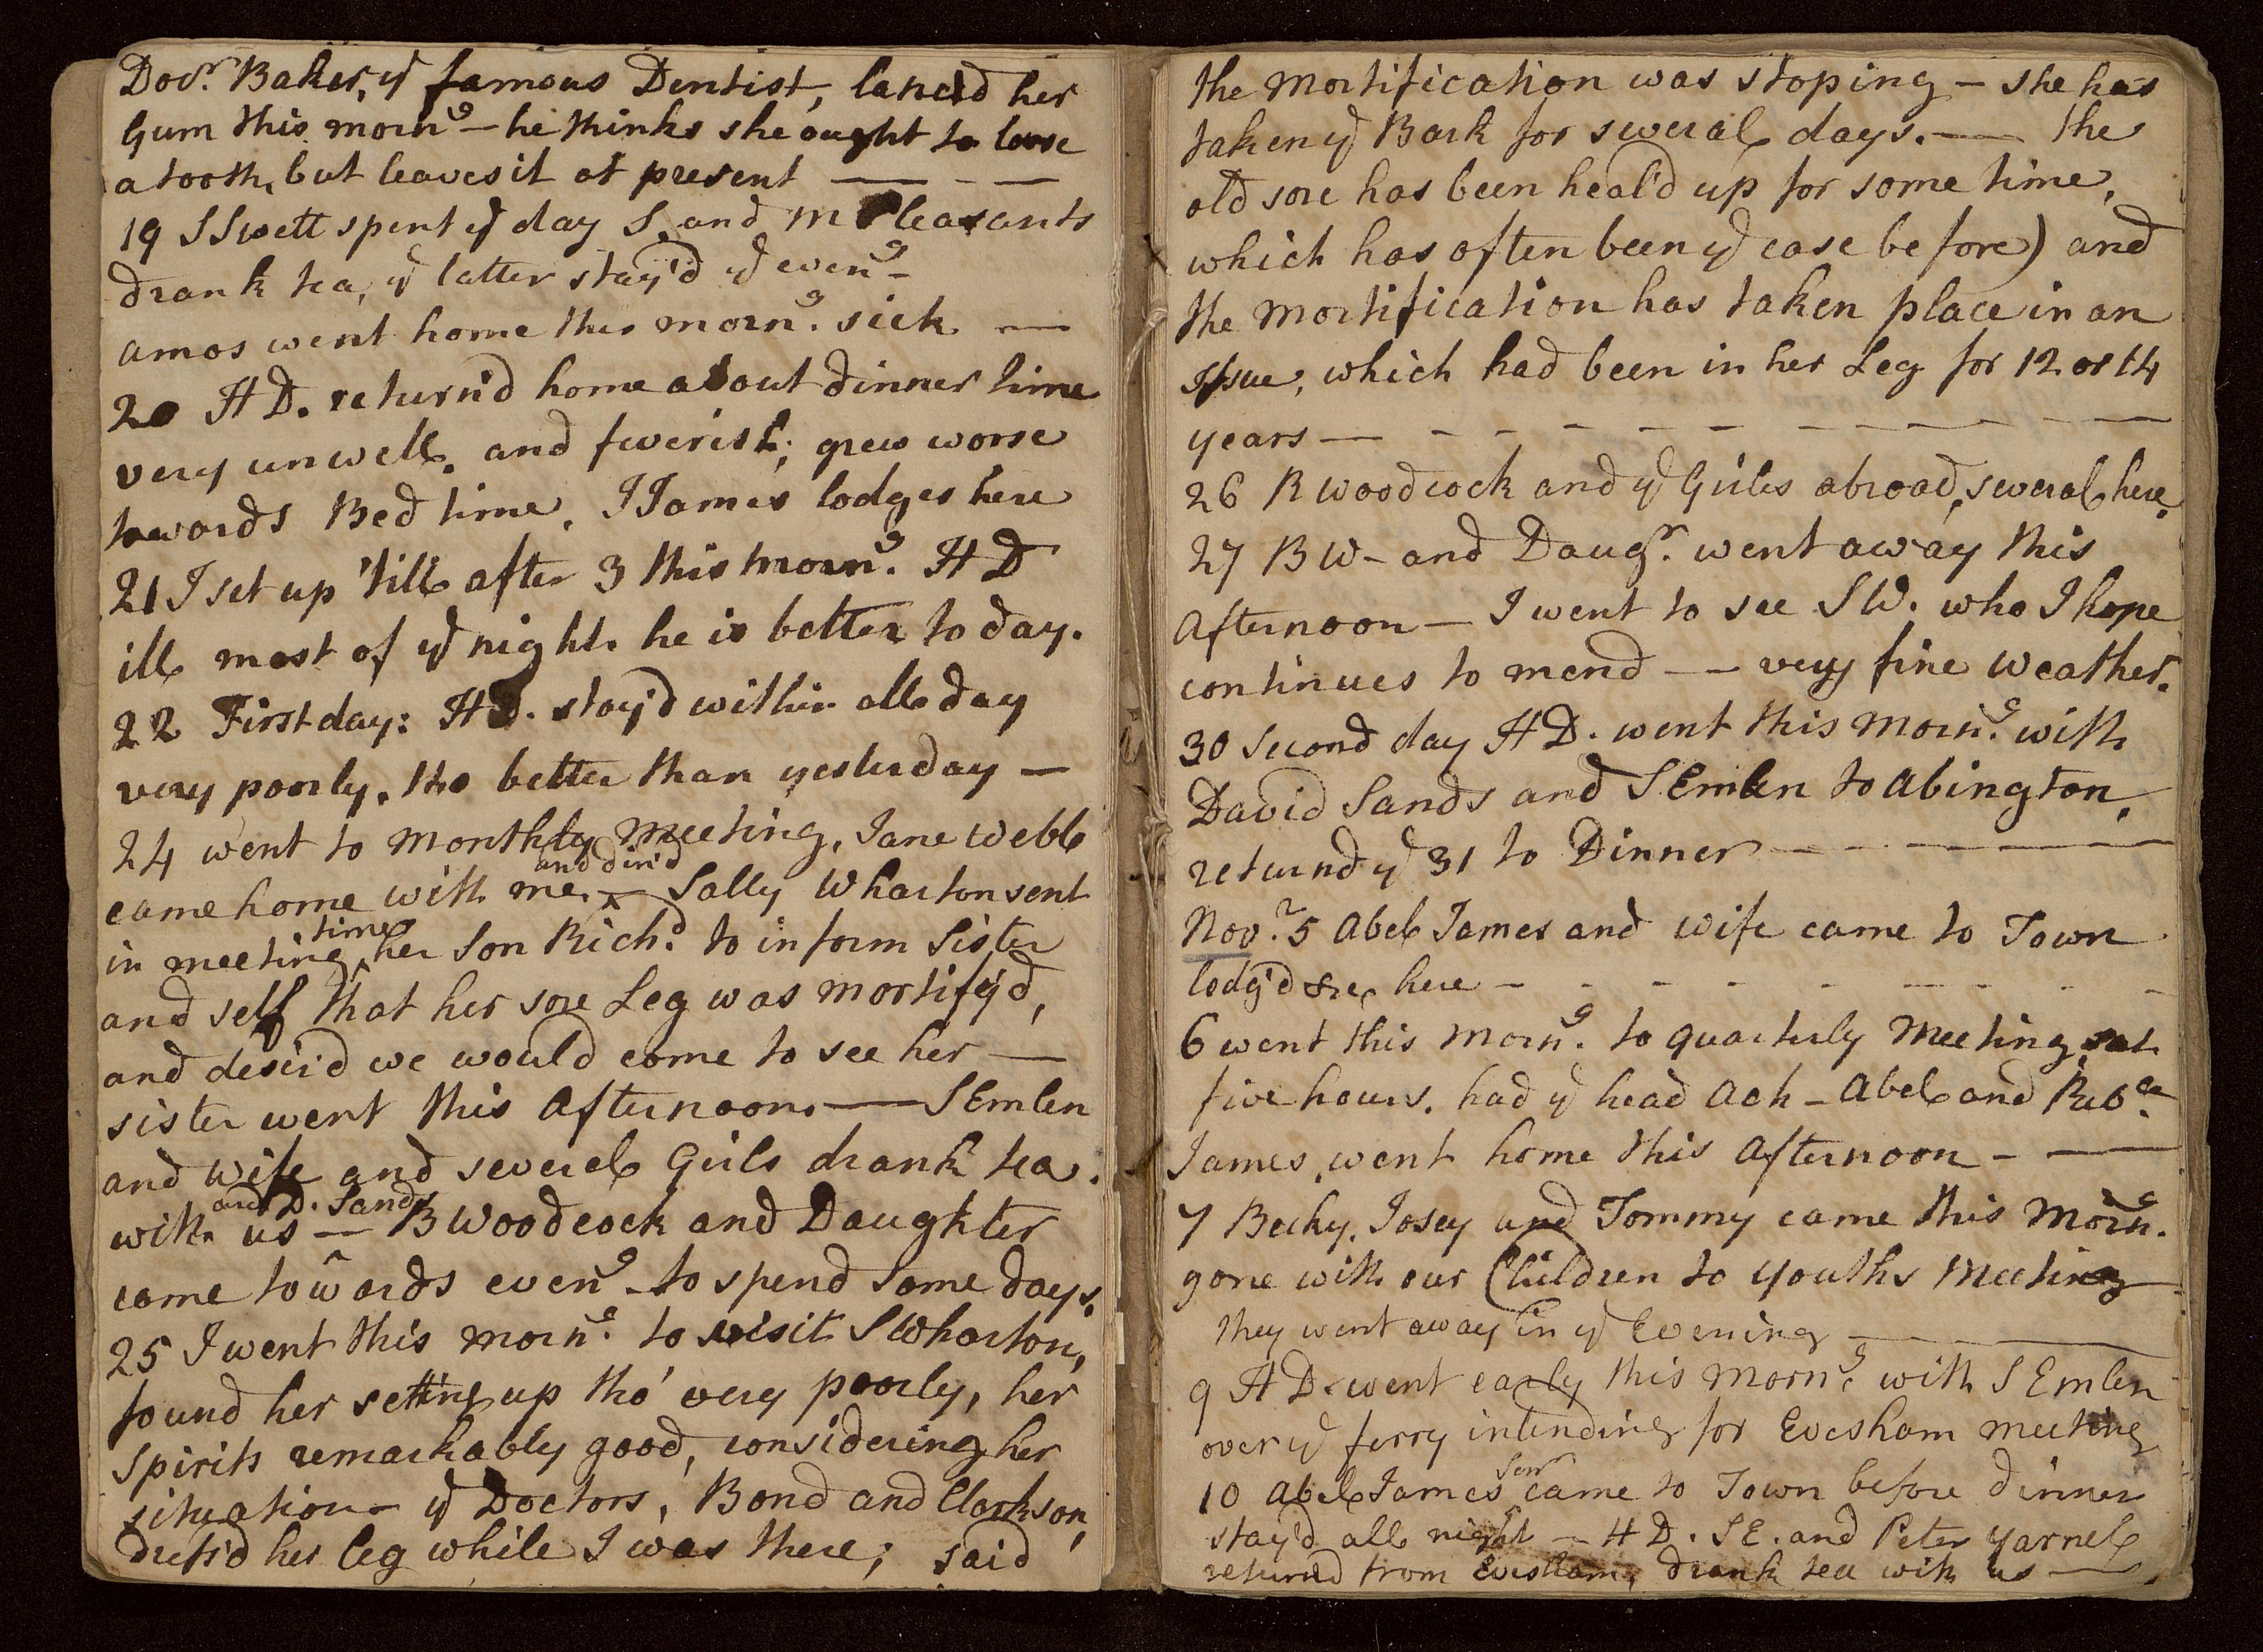Doc^r. Baker, y^e famous Dentist, lancd her
Gum this morn^g- he thinks she ought to loose
a tooth, but leaves it at present---
19 S Swett spent y^e day S, and M Pleasants
drank tea, y^e latter stay'd y^e even^g-
amos went home this morn^g. sick.-
20 HD. return'd home about dinner time
very unwell, and feverish; grew worse
towards Bed time, I James lodges here
21 I set up 'till after 3 this morn.^g HD
ill most of y^e nights he is better to day.
22 First day: HD. stay'd within all day
very poorly, tho better than yesterday-
24 went to monthly meeting, Jane Webb
and din'd
came home with me,^ - Sally Wharton sent
time
in meeting ^ her son Rich^d. to inform Sister
and self that her sore Leg was mortify'd,
and desir'd we would come to see her-
sister went this afternoon- S Emlen
and wife and severel Girls drank tea
and D. Sands
with us- B Woodcock and Daughter
came towards even^g to spend some days.
25 I went this morn^g. to visit S Wharton,
found her setting up tho' very poorly, her
Spirits remarkably good, considering her
situation- y^e Doctors, Bond and Clarkson
dress'd her leg while I was there, said
the Mortification was stoping- she has
taken y^e Bark for several days.- the
old sore has been heal'd up for some time,
which has often been y^e case be fore) and
the mortification has taken place in an
Issue, which had been in her Leg for 12 or 14
years-
26 R Woodcock and y^e Girles abroad, several here
27 BW- and Daug^r. went away this
Afternoon- I went to see SW. who I hope
continues to mend- very fine weather.
30 second day HD. went this morn^g with
David Sands and S Emlen to Abington,
returnd y^e 31 to Dinner-----
Nov.^r 5 Abel James and wife came to Town
lodg'd &c here-
6 went this morn^g. to quarterly meeting at
five hours, had y^e head Ach- Abel and Reb^a
James, went home this Afternoon-
7 Becky, Josey and Tommy came this morn^g.
gone with our Children to Youths Meeting
they went away in y^e Evening-
9 HD went early this morn^g. with S Emlen
over y^e ferry intending for Evesham meeting
Sen^r
10 Abel James ^ came to Town before dinner
stay'd all night- HD. SE. and Peter Yarnel
returnd from Evesham, drank tea with us-